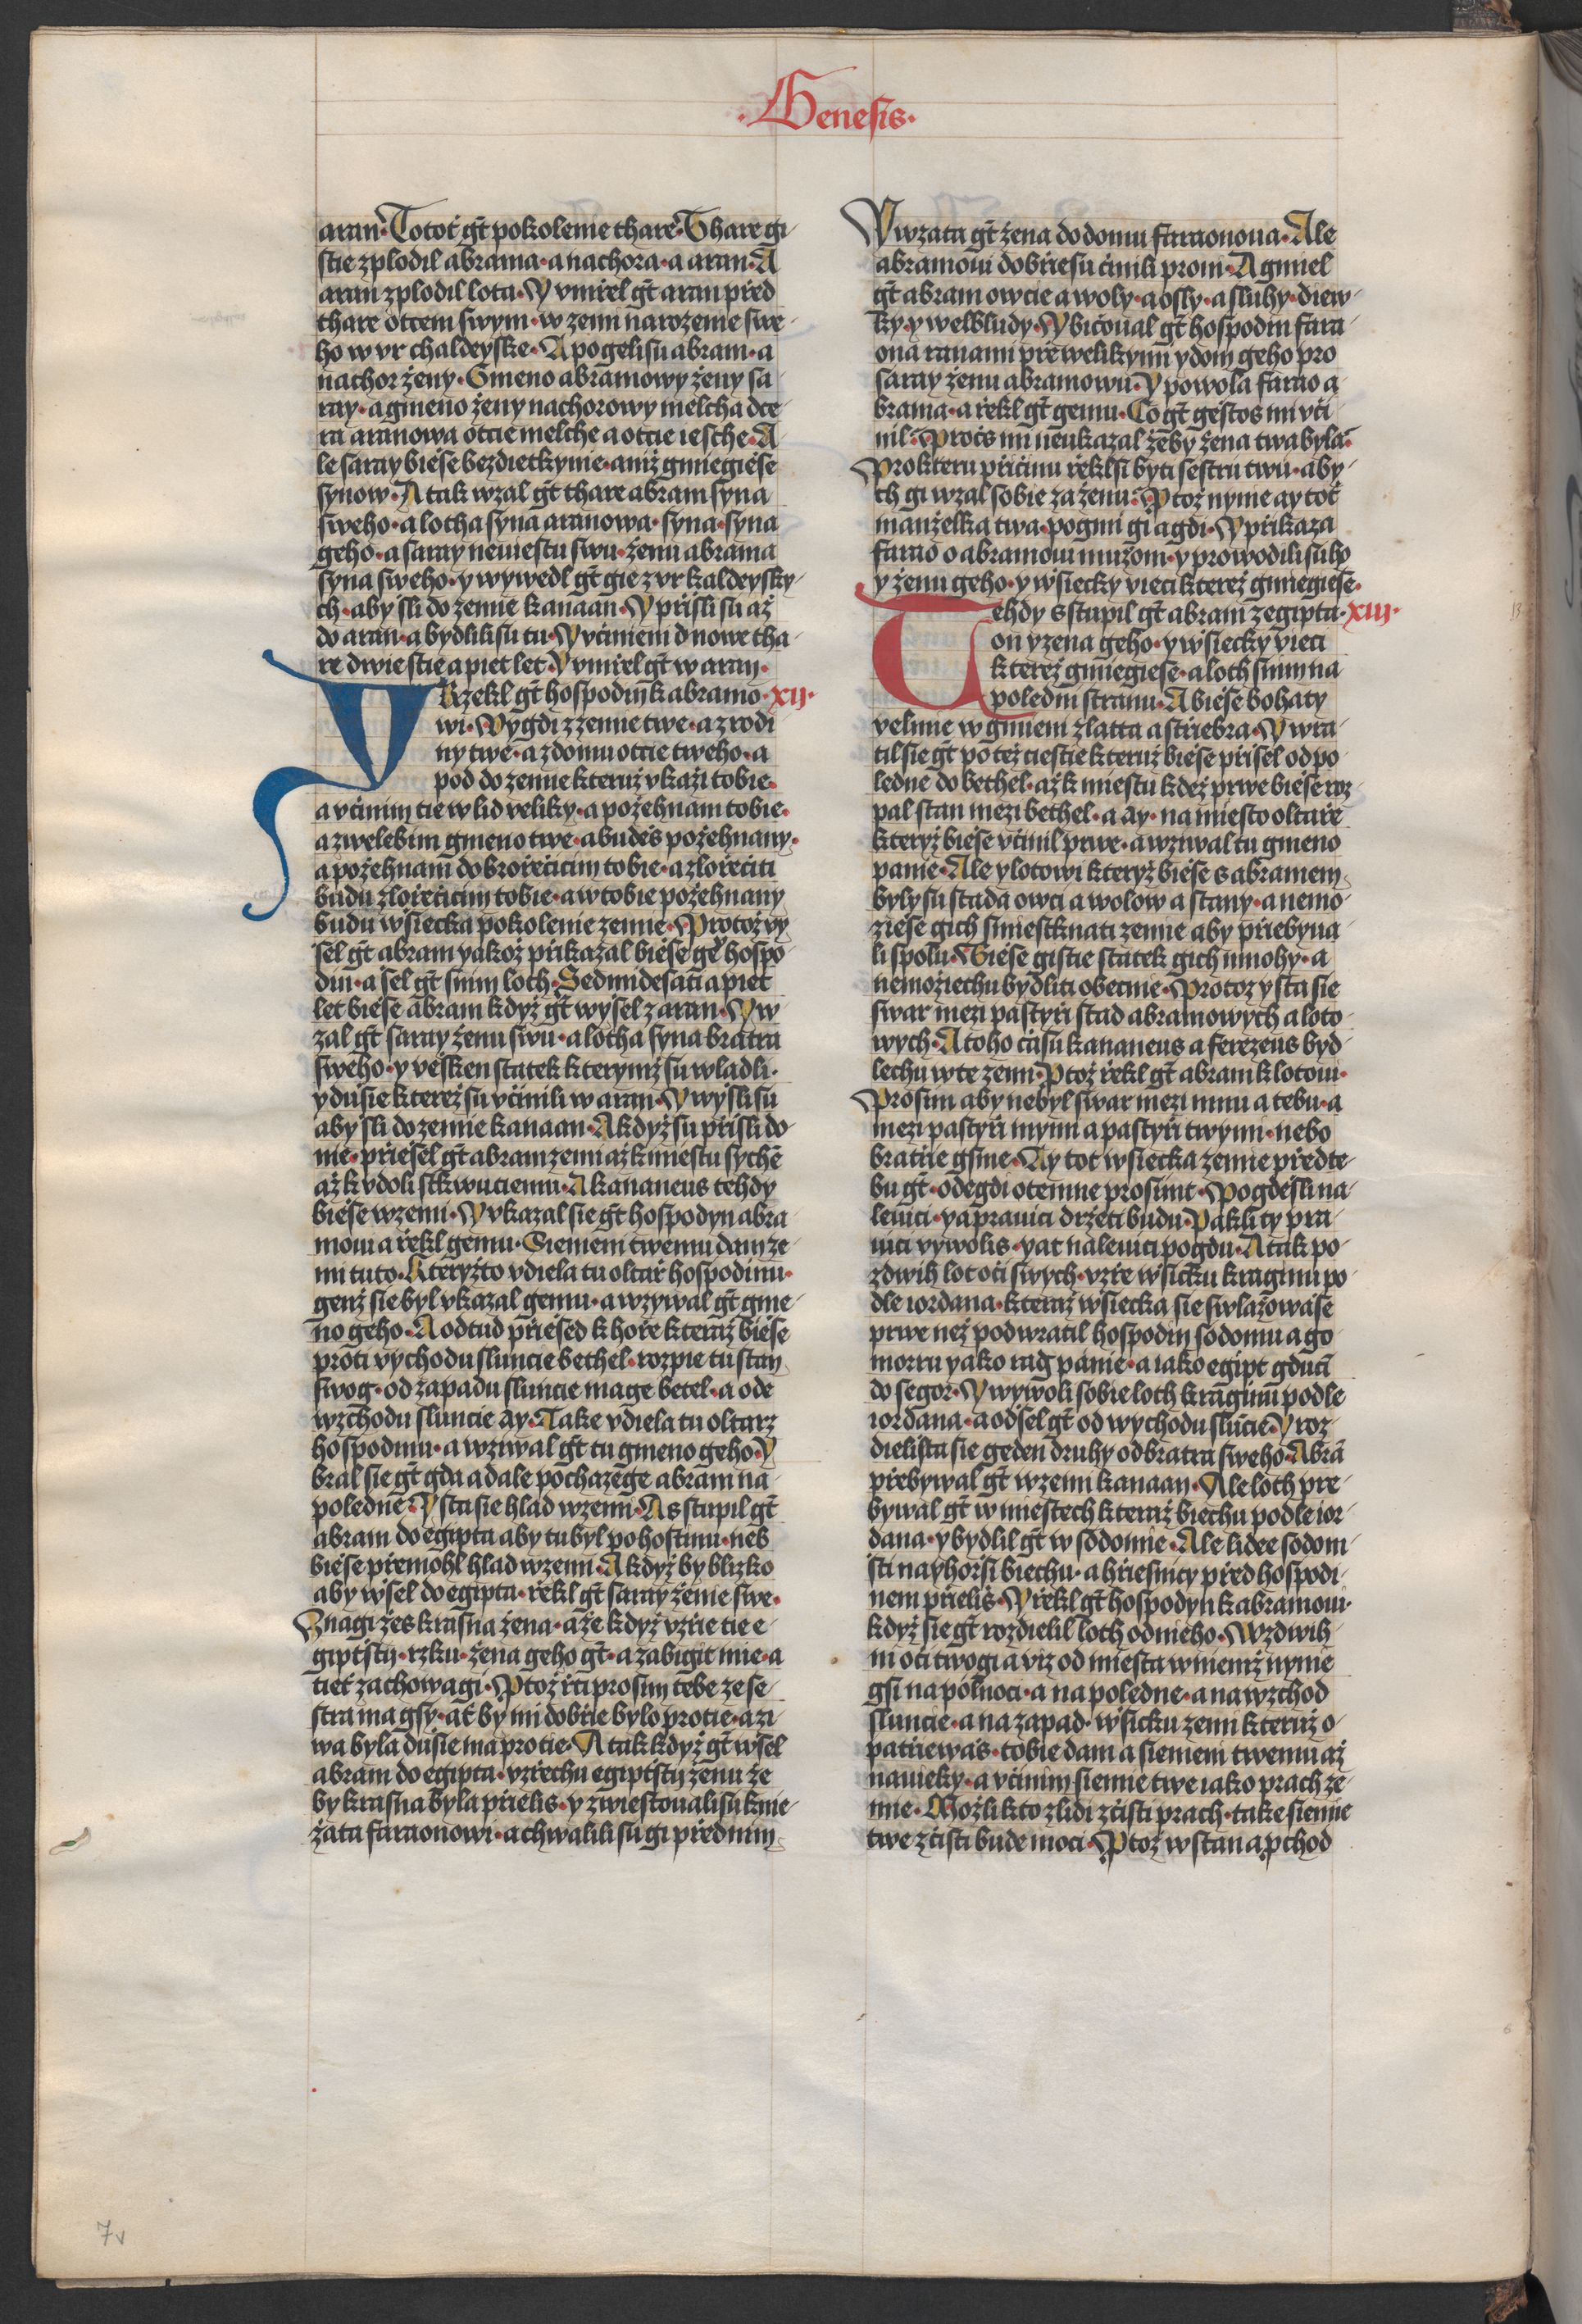.Geneſis.
aran.Totoť ḡt pokolenie thare.Thare gi¬
ſtie zplodil abrama.a nachora.a aran.A
aran zplodil lota.Y ymṙel ḡt aran pṙed
thare otcem ſwym.w zemi narozeníe ſwe
ho w vr chaldeyſke.A pogeliſu abram.a
nachor żeny.Gmeno abramowy żeny ſa¬
ray.a gmeno żeny nachorowy melcha dce¬
ra aranowa otcie melche a otcie ieſche.A¬
le ſaray bíeẛe bezdietkynie.aniż gmegieẛe
ſynow.A tak wzal ḡt thare abrani ſyna¬
ſweho.a lotha ſyna aranowa.ſyna.ſyna
geho.a ſaray neuieſtu ſwu.żenu abrama
ſyna ſweho.y wywedl ḡt gie z vr kaldeyſky¬
ch.aby ẛli do zemíe kanaan.Y pṙiẛli ſu aż
do aran.a bydliliſu tu.Yvċiníeni dnowe tha¬
re dwie ſtie a piet let.Y vmiel ḡt w aran.
.Rzekl ḡt hoſpodin abramo.xij.
wi.Wygdi z zemie twe.a zrodi¬
ny twé.a zdomu otcie tweho.a
pod do zemie kteruż vkażi tobie.
a vċiním tie w lid veliky.a pożehnam tobie.
a zwelebím gmeno twe.a budeṡ pożehnany.
a pożehnaní dobroṙeċícím tobie.a zloṙeċiti
budu zloṙeċicím tobie.a w tobie pożehnany
budu wẛiecka pokolenie zemie.Protoż vy¬
ẛel ḡt abram yakoż pṙikażal bieẛe gev hoſpo¬
dín.a ẛel ḡt ſním loch.Sedmideſati a piet
let bíeẛe abram kdyż ḡt wyẛel zaran.Y w¬
zal ḡt ſaray żenu ſwu.a lotha ſyna bratra¬
ſweho. y veẛken ſtatek kterymiż ſu wladli.
y duẛie ktereżſu vċinili w aṙan.Y wyẛliſu
aby ẛli do zemíe kanaan.A kdyż ſu pṙiẛli do¬
nie.pṙieẛel ḡt abram zemi aż kmieſtu ſychē
aż k ydoli ſtkwuciemu.A kananeus tehdy
bieẛe wzemi.Yvkazal ſie ḡt hoſpodyn abra¬
moui a ṙekl gemu.Siemeni twemu dam ze¬
mi tuto.Kteryżto vdiela tu oltař hoſpodinu.
genż ſie byl vkazal gemu.a wzywal ḡt gme¬
no geho.A odtud pṙieẛed k hoṙe kteraż bíeẛe¬
proti vychodu ſluncie bethel.rozpie tu ſtan
ſwog.od zapadu ſluncie mage betel.a ode¬
wzchodu ſluncie ay.Take vdiela tu oltarz¬
ho ſpodinu.a wziwal ḡt tu gmeno geho.Y
bral ſie ḡt gda a dale pochazege abram na
poledne?Y ſta ſie hlad wzemi. A sſtupil ḡt
abram do egipta aby tubyl pohoſtinu.neb
bíeẛe pṙemohl hlad wzemi. A kdyż by blizko
aby wẛel d egipta.ṙekl ḡt ſaray żenie ſwe.
Znagí żes kraſna żena.a że kdyż vzṙie tie e¬
giptẛtij.rzku.żena geho ḡt.a zabigit mie.a
tieṫ zachowagí.Ꝓtoż ṙti proſim tebe ze ſe¬
ſtra ma gſy.aṫ by mi dobṙie bylo protie.a zi¬
wa byla duẛie ma pro tie. A tak kdyż ḡt wẛel
abram do egipta.vzṙechu egiptẛtij żenu że
by kraſna byla pṙielis.y zwieſtouali ſu kníe¬
żata faraonowi.a chwalili ſu gi pṙednim
Ywzata ḡt żena dodomu saraonona.Ale
abramoui dobṙie ſu ċinili proni. A gmiel
ḡt abram owcie a woly.aoſly.a ſluhy.diew¬
ky y welbludy.Y bičoual ḡt hoſpodin fara¬
ona ranami pṙewelikymi y dom geho pro¬
ſaray żenu abramowu.Y powola farao a¬
brama.a ṙekl ḡt gemu.Co ḡt geẛtos mi vċi¬
nil? Proċs mi neukazal żeby żena twa byla?
Prokteru pṙiċinu ṙeklſi byti ſeſtru twú.aby¬
ch gi wzal ſobie za żenu?Ꝓtoż nynie ay toť
manżelka twa.pogmi gi a gdi.Ypṙikaza¬
farad o abramoui mużom.y prowodili ſu ho
y żenu geho.y wẛiecky vieci ktereż gmiegieẛe.
Eehdy sſtupil ḡt abraní zegipta.xiij.
on yzena geho.y wẛiecky vieci
ktereż gmiegieẛe.a loth ſnim na
poledni ſtranu.A bíeẛe bohaty
yelmie w gmiení zlatta a ſtṙiebra.Y wra¬
til ſie ḡt poteż cieſtie kteruż bieẛe pṙíẛel od po¬
ledne do bethel.aż k mieſtu kdeż prwe bieẛe roz¬
pal ſtan mezi bethel.a Ay.na míeſto oltaṙe
kteryż bieẛe vċinil prwe.a wziwal tu gmeno
paníe.Ale ylotowi kteryž bieẛe s abramem
byly ſu ſtada owcí a wolow a ſtany.a nemo¬
zieẛe gich ſmieſtknati zemíe aby pṙiebyua¬
li ſpolu.Bieẛe giſtie ſtatek gich mnohy.a
nemożiechu bydliti obecnie.Protoz yſta ſie
ſwar mezi paſtyṙi ſtad abralnowych a loto
wych.A toho ċaſu kananeus a ſerezeus byd¬
lechu wte zemi.Ꝓtoż ṙekl ḡt abram klotoui.
Proſim aby nebyl ſwar mezi mnu a tebu.a
mezi paſtyṙi mymí a paſtyṙi twymi.nebo
bratříe gſme.Ay tot wẛiecka zemie pṙedte¬
bu ḡt.odegdi otemne proſimt.Pogdeẛli na¬
leuici.ya prauici drżeti budu.Pakli ty pra¬
uici vywolis.yat naleuici pogdu.A tak po¬
zdwih lot oċí ſwych.vzṙe wẛicku kraginu po¬
dle iordana.kteraż wẛiecka ſie ſwlażowaẛe
prwe neż podwratil hoſpodin ſodomu a go¬
mozru yako rak pánie.a iako egipt gducī
do ſegož.Y wywoli ſobie loth kragimu podle
iordana.a odẛel ḡt od wychodu ſlūcie.Y roz¬
dieliẛta ſie geden druhy odbratra ſweho.Abrā
pṙebywal ḡt wzemi kanaan.Ale loth pṙe¬
bywal ḡt w mieſtech kteraż biechu podle ior¬
dana.ybydlil ḡt w ſodomie.Ale lidee ſodom¬
ẛtí nayhorẛí biechu.a hṙieſnícy pṙed hoſpodi¬
nem pṙíeliš.Y ṙekl ḡt hoſpodyn kabramoui.
kdyż ſie ḡt rozdielil loth odnieho.Wzdwih¬
ni oċi twogi a viz od míeſta wníemż nynie
gſi na pólnoci.a na poledne.a na wzchod
ſluncie.a na zapad.wẛicku zemi kteruż o¬
patṙiewaṡ.tobie dam a ſiemeni twemu aż
navieky.a vċinim ſiemie twe iako prach ze¬
mie.Możli kto zlidi zċiſti prach.take ſiemie
twe zċiſti bude moci.Ꝓtoż wſtan a ꝓchod